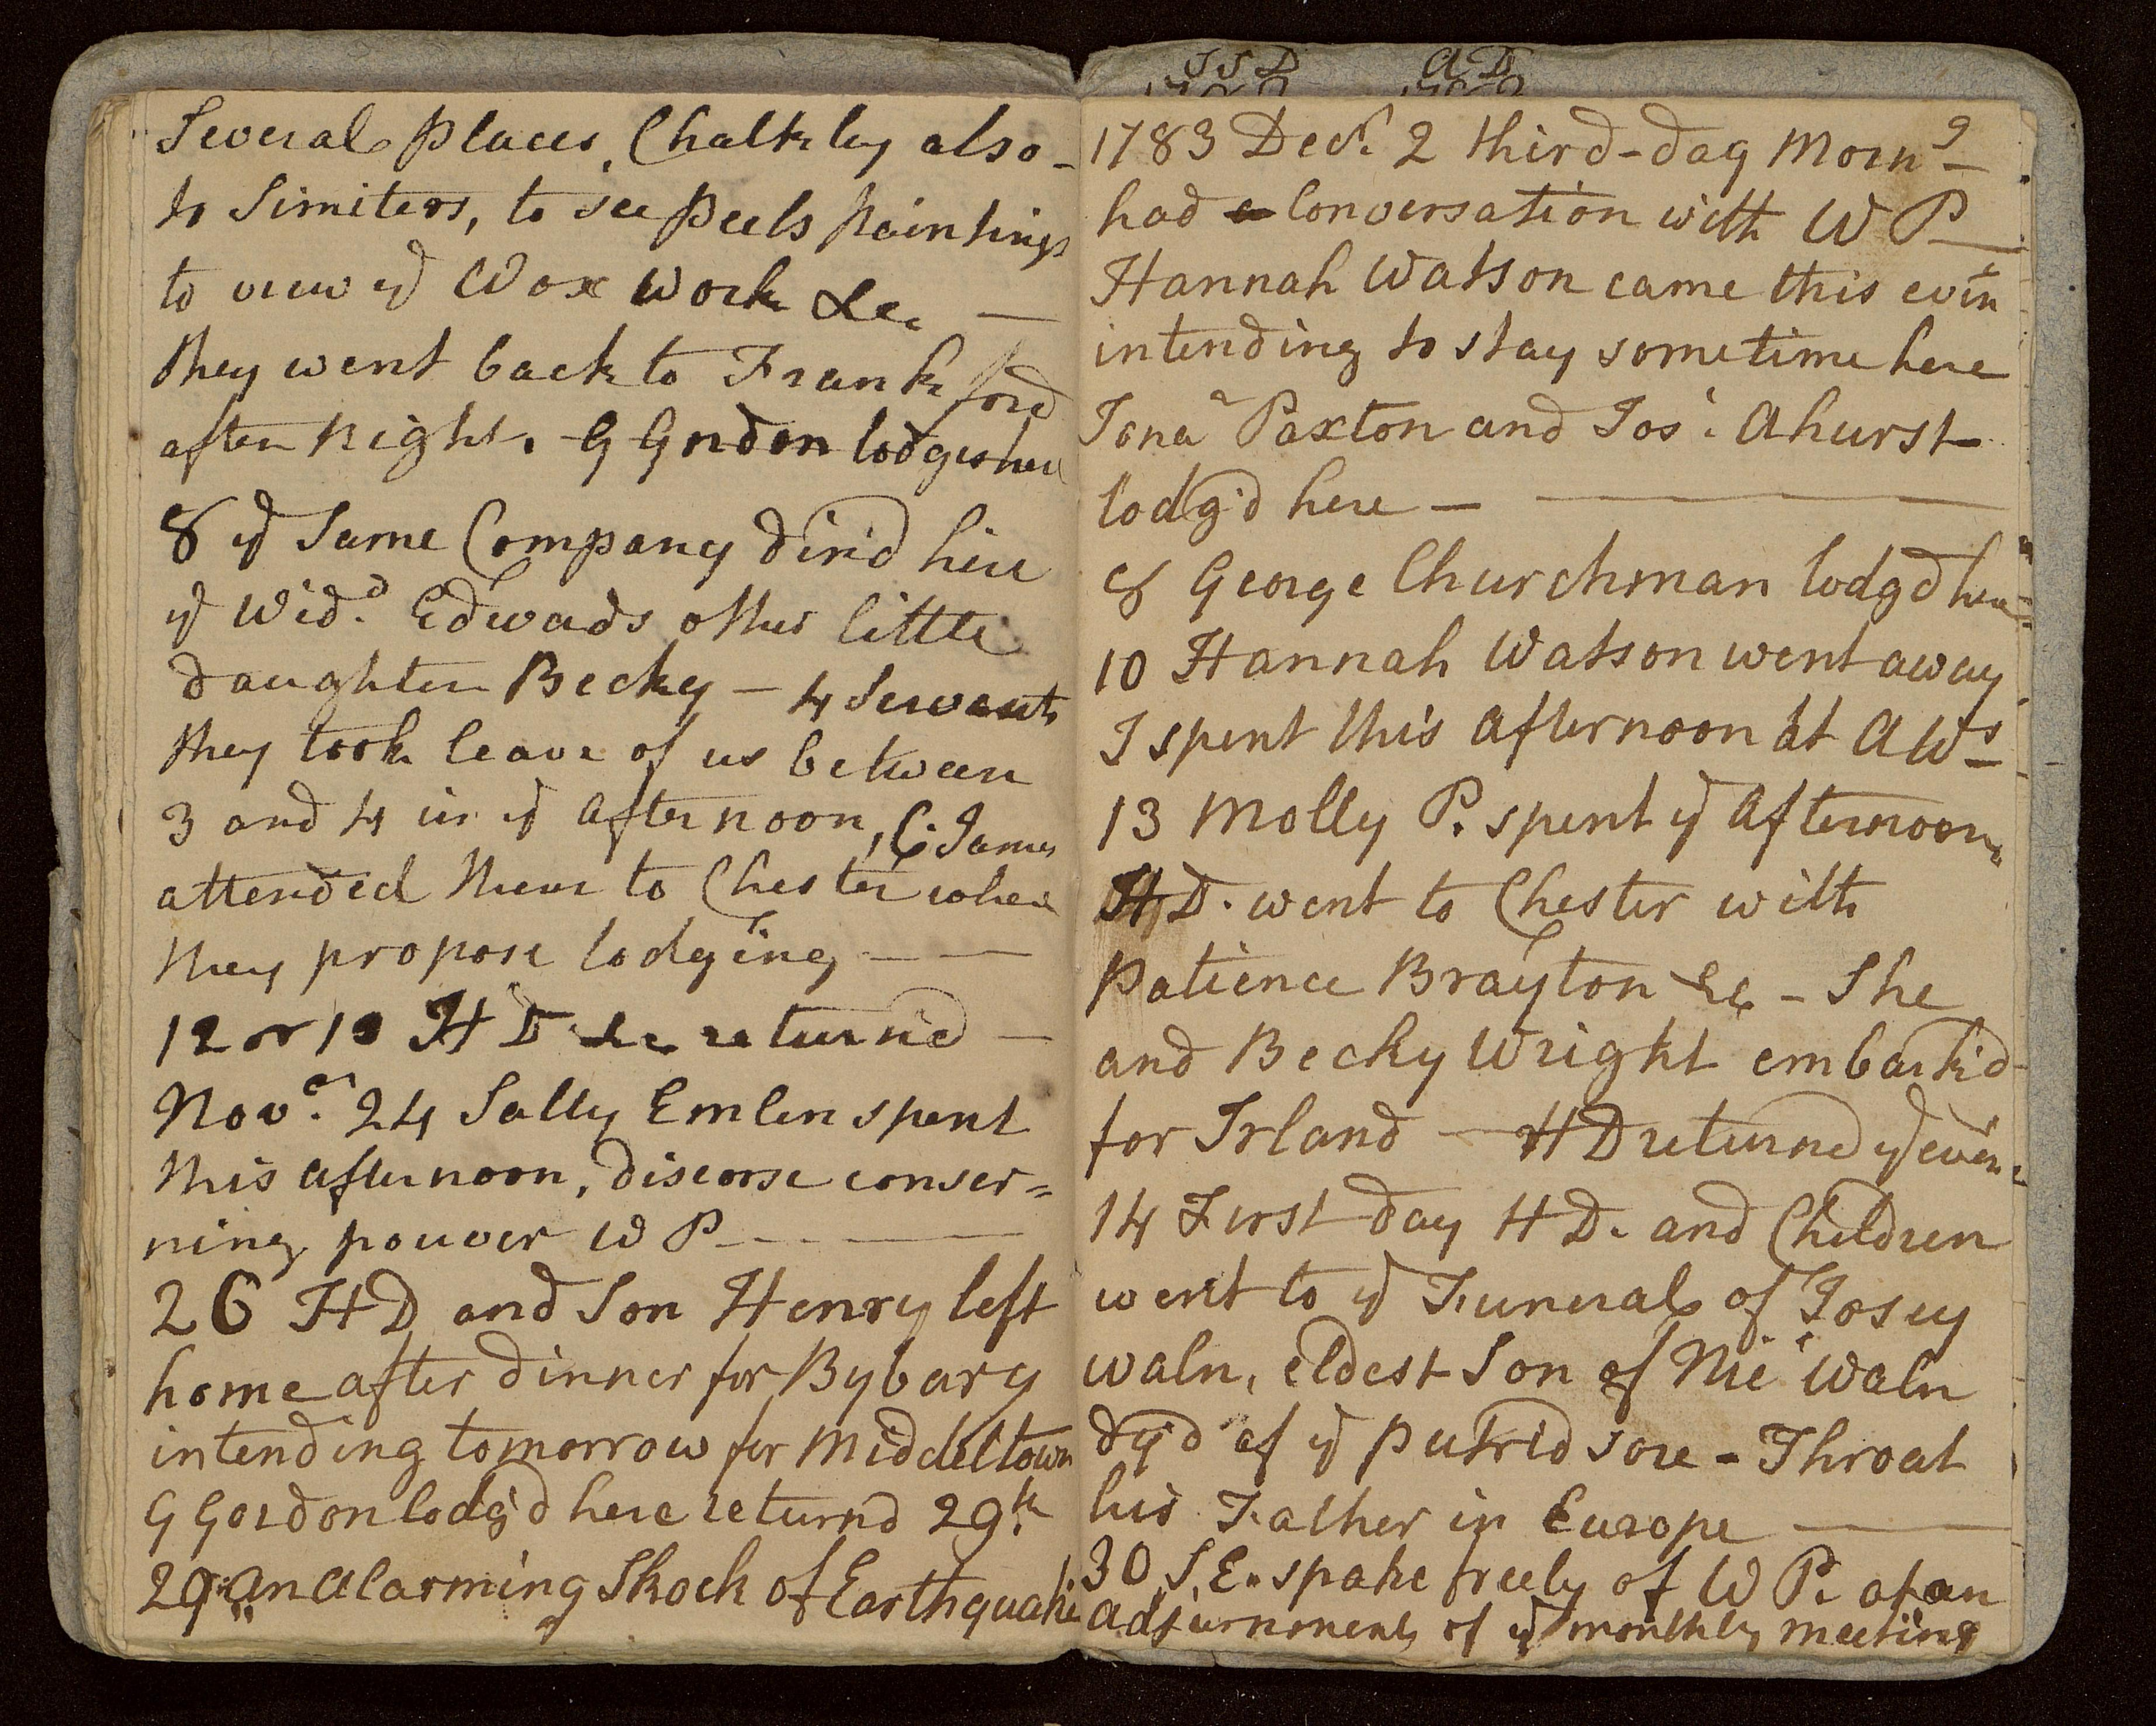Several places, Chalkley also
to Simiters, to see Peels Paintings
to view y^e Wox Work &c--
they went back to Frankford
after Night. G Gordon lodges here
8 y^e Same Company din'd hire
y^e Wid^d. Edwads other little
daughter Becky- 4 Servant
they took leave of us between
3 and 4 in y^e after noon, C. Jamy
attended [theur] to Chester whe[re]
they propose lodging-
12 or 10 HD &c return'd-
Nov^r. 24 Sally Emlen spent
this afternoon, discorse conser-
ning pouver WP
26 HD and Son Henry left
home after dinner for Bybary
intending tomorrow for Middletown
G Gordon lodg'd here returnd 29^h.
29 An Alarming Shock of Earthquake
1783 Dec^r. 2 third-day morn^g-
had a Conversation with W P
Hannah Watson came this evin^g
intending to stay some time here
[J]ona^a. Paxton and Jos: Ahurst
lodg'd here--
8 George Churchman lodgd here
10 Hannah Watson went away
I spent this afternoon at AW^s
13 Molly P. spent y^e afternoon,
HD. went to Chester with
patience Brayton &c- She
and Becky Wright embark'd
for Irland- HD returnd y^e even^g
14 First bay HD- and Children
went to y^e Funeral of Josey
Waln, eldest Son of Nic Waln
dy'd of ye putrid sore- Throat
his Father in Europe
30 S.E. spake freely of WP. afar
adjurnment of y^e monthly meeting